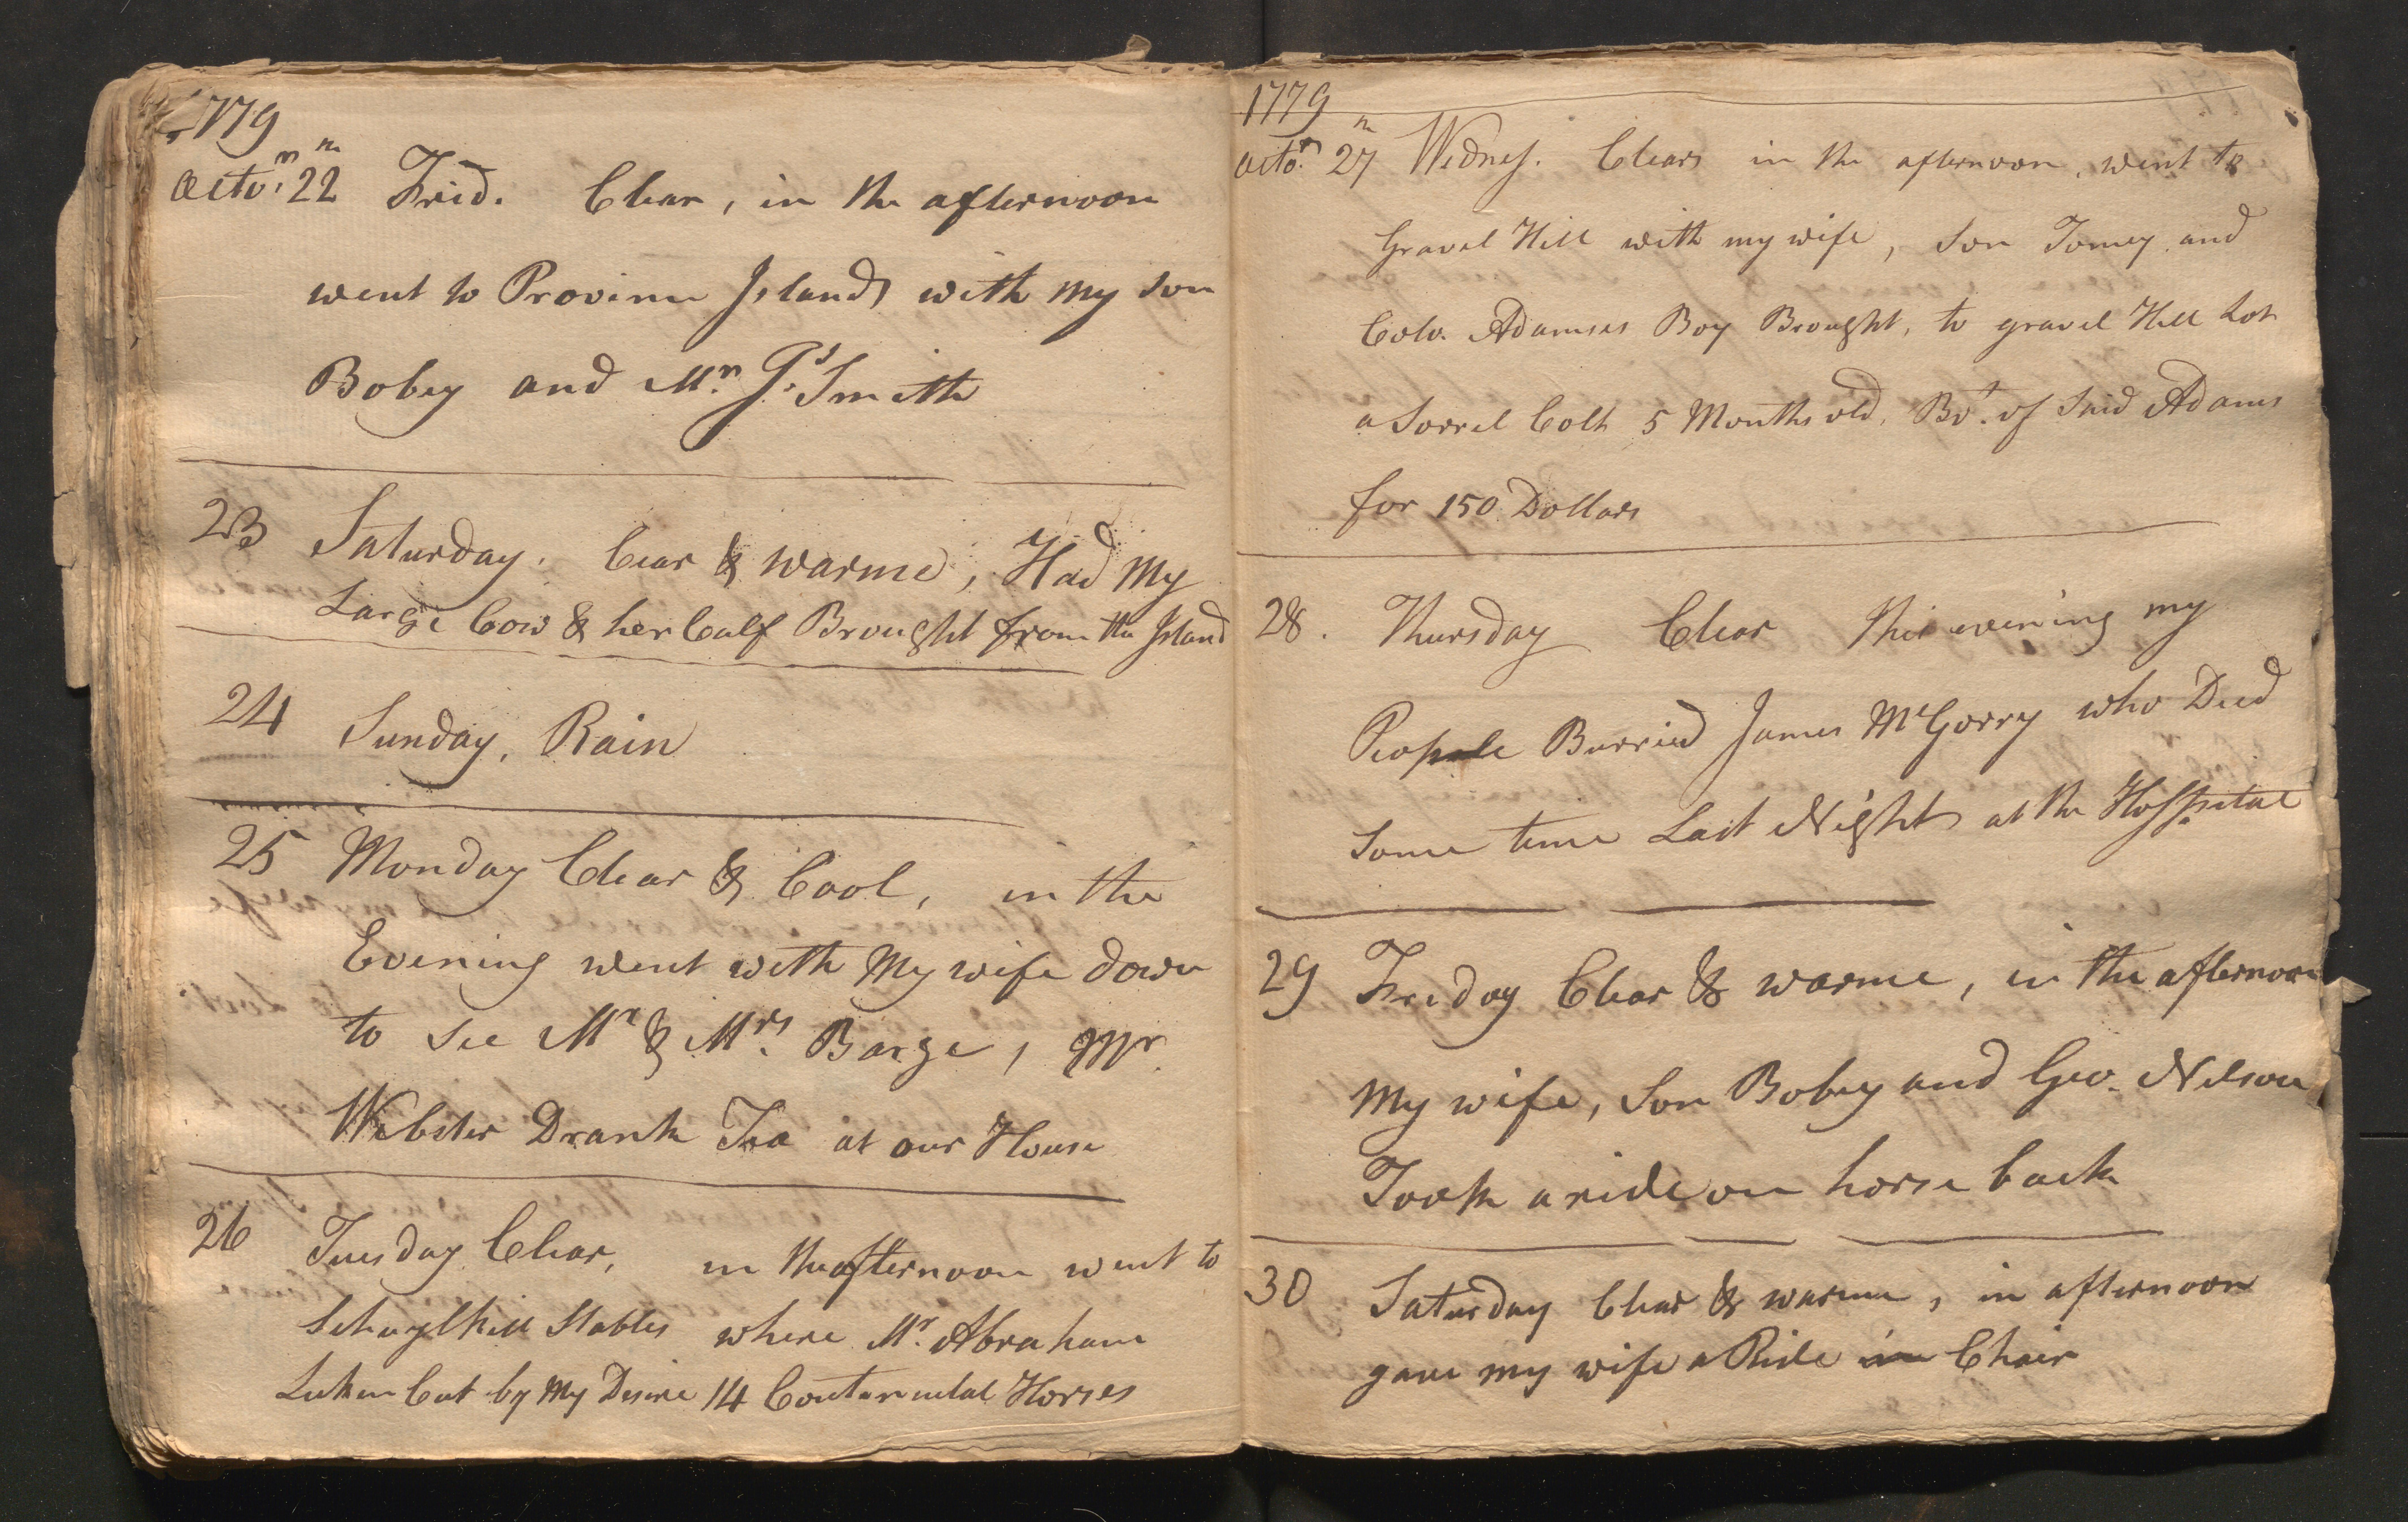1779
Octo^r. 22^th Frid. Clear, in the afternoon
went to Province Islands with my son
Bobey and M^r. J^s. Smith
23 Saturday. Clear & warme, Had My
Large Cow & her Calf Brought from the Island
24 Sunday. Rain
25 Monday Clear & Cool, in the
Evening went with My wife down
to see M^r & M^rs. Barge, M^r.
Webster Drank Tea at our & House
26 Tuesday Clear in the afternoon went to
Schuylkill Stables where M^r. Abraham
Luken Cut by My Desire 14 Continental Horses
1779
Octo^r. 27 Wednes. Clear in the aftenoon. went to
Gravel Hill with my wife, Son Tomey and
Colo. Adamses Boy Brought, to gravel Hill Lot
a Sorrel Colt 5 Months old, Br^t. of said Adams
for 150 Dollars
28. Thursday Clear This evening my
People Burried James M^cGorry who Died
some time Last Night at the Hostpital
29 Friday Clear & warme, in the afternoon
my wife, Son Bobey and Geo. Nelson
Took a ride on horse back
30 Saturday Clear & warme, on afternoon
gave my wife a Ride [in] Chair